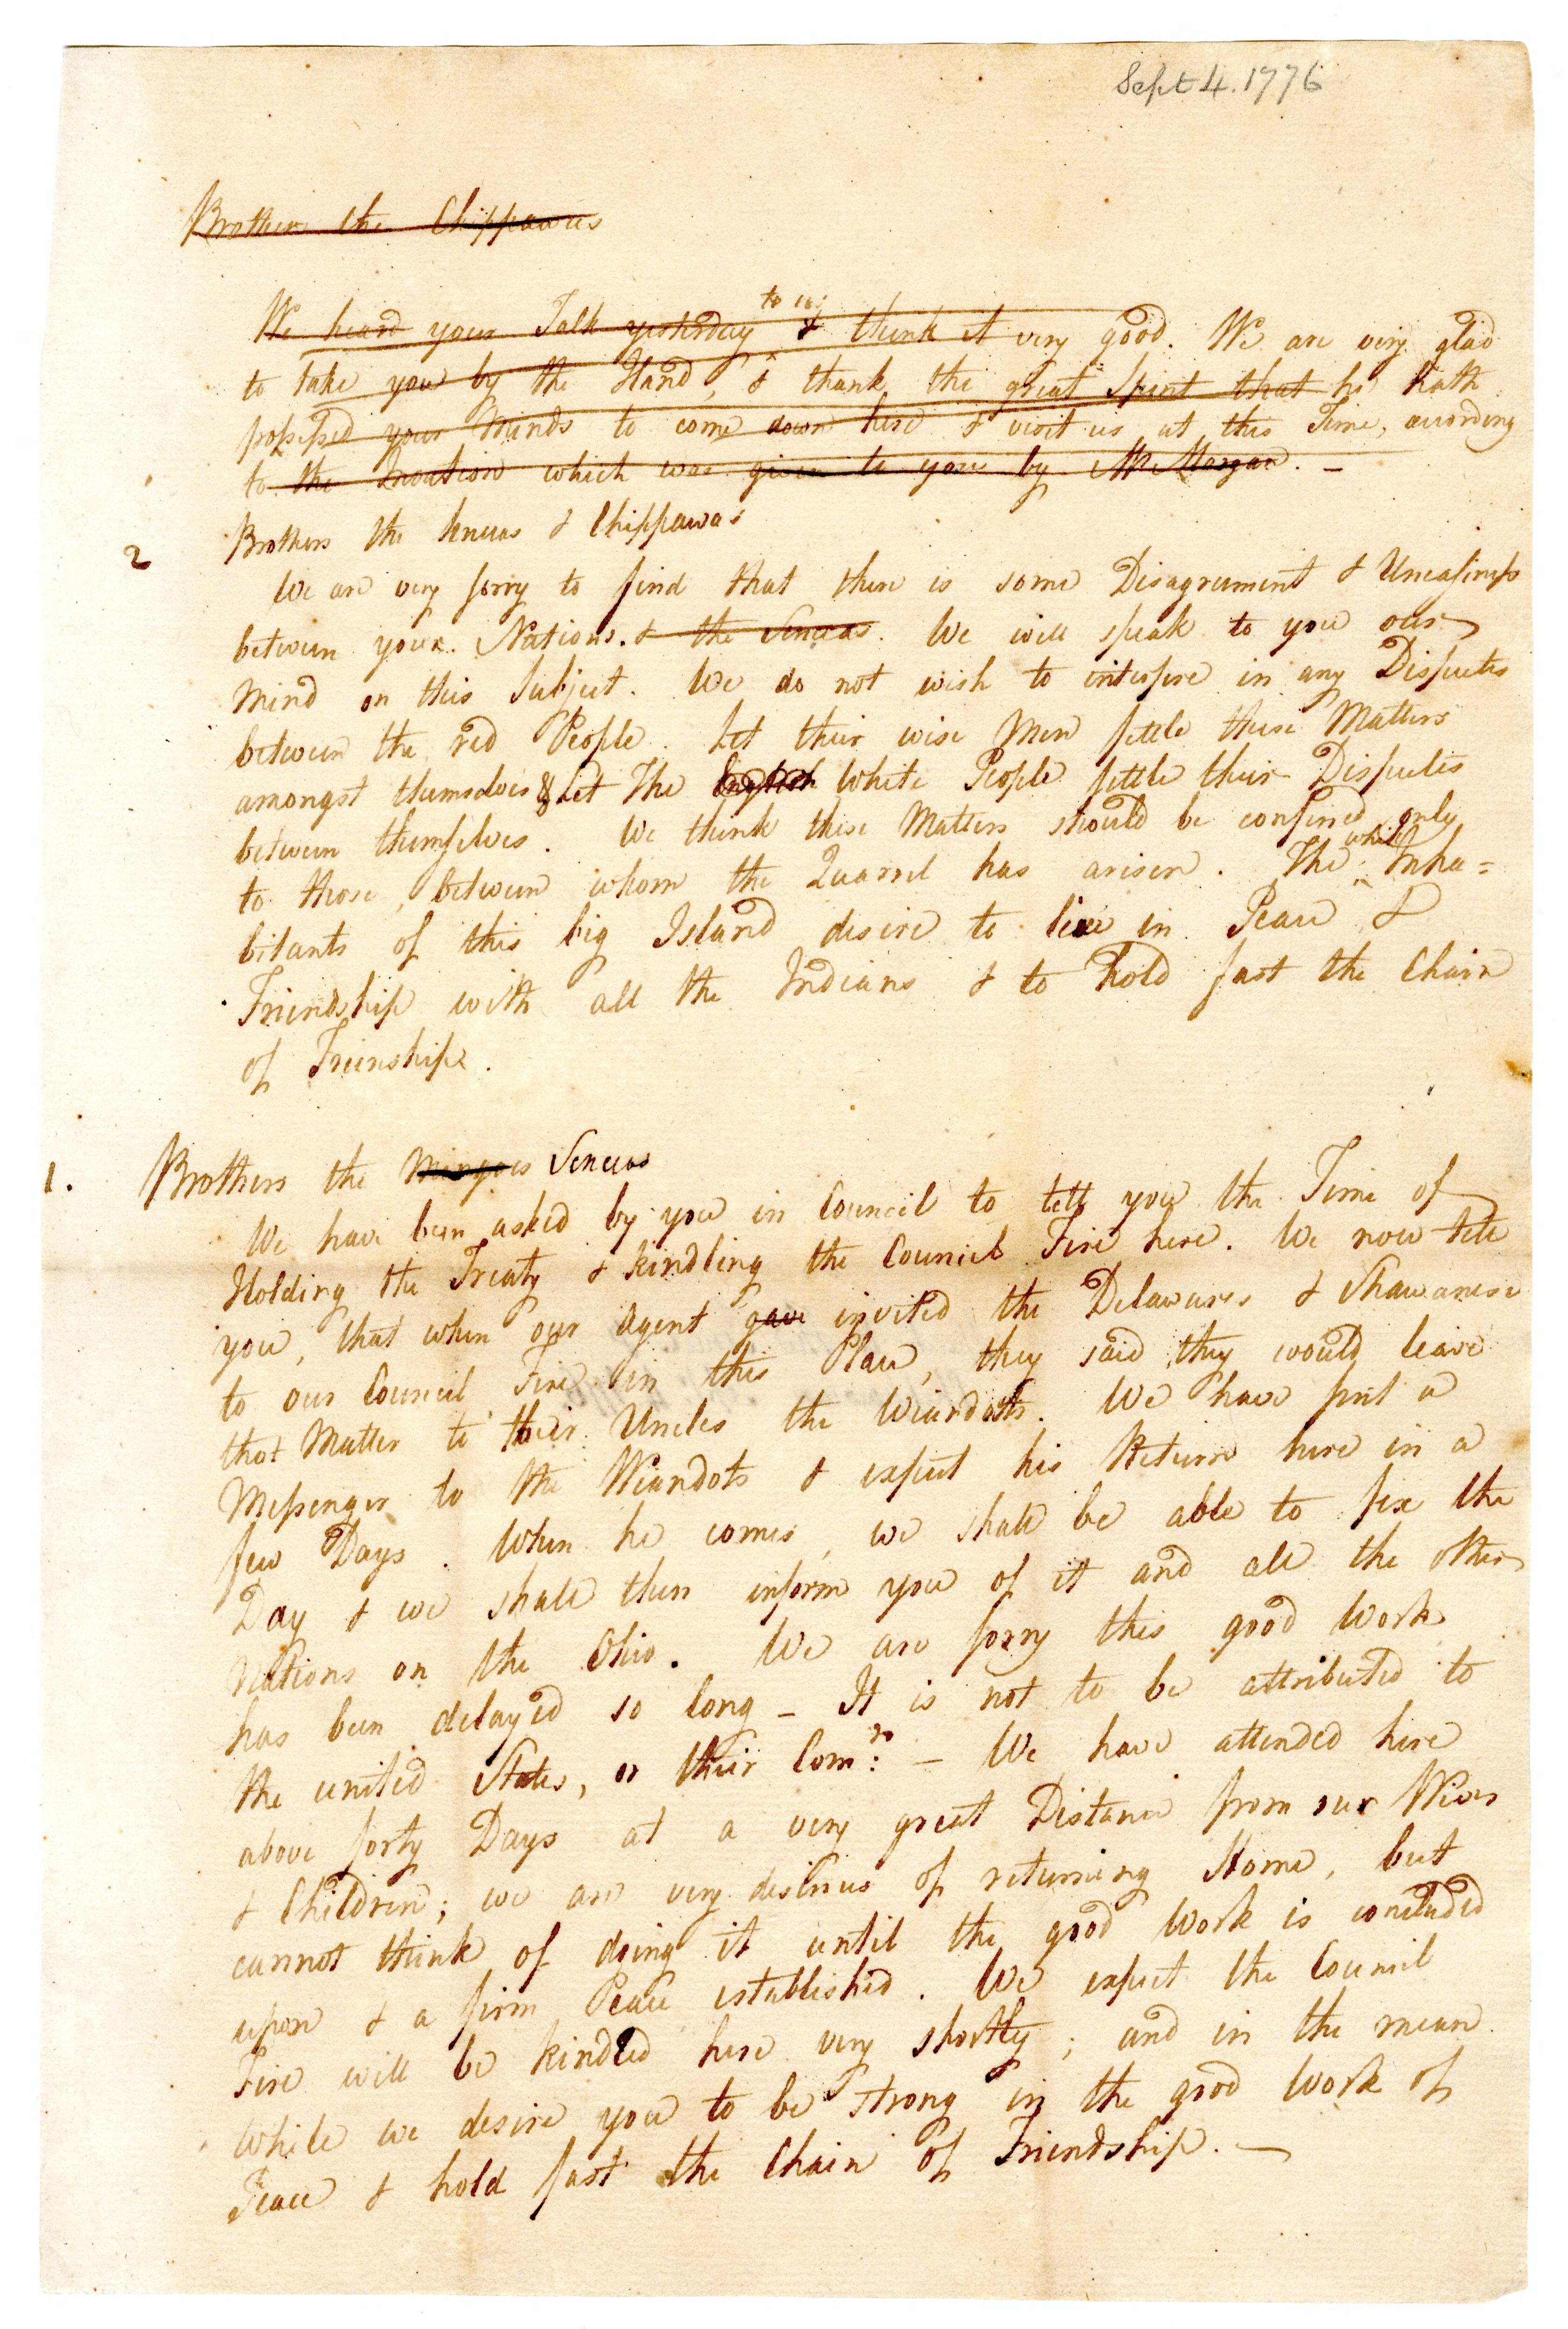Brother the Chippawas
We heard your Talk yesterday ^ & think it very good. We are very glad
to us
to take you by the Hand, & thank the great Spirit that he hath
possessed your minds to come down here & visit us at this Time, according
to the Question which was [given to you by M^r Mayor].-
2
Brothers the Senecas & Chippawas
We are very sorry to find that there is some Disagreement & Uneasiness
between your Nations [& the Senecas]. We will speak to you our
Mind on this Subject. We do not wish to interfere in any Disputes
between the red People. Let their wise men settle these Matters
amongst themselves & Let the [English] white People Settle their Disputes
between themselves. We think these Matters should be confin'd only
white only
to those between whom the Quarrel has arisen. The ^ Inha-
bitants of this big Island desire to live in Peace &
Friendship with all the Indians & to hold fast the Chain
of Friendship.
1.
Brothers the [Mingoes] Senecas
We have ben asked by you in Council to tell you the Time of
Holding the Treaty & kindling the Council Fire here. We now tell
you that when our agent gave invited the Delawares & Shawanese
to our Council Fire in the Place, they said they would leave
that Matter to their Uncles the Wiandots. We have put a
Messenger to the Wiandots & expect his Return here in a
few Days. When he comes we shall be able to fix the
Day & we shall then inform you of it and all the other
Nations on the Ohio. We are sorry this good work
has been delayed so long- It is not to be attributed to
the united States, or their Com^r:- We have attended here
above forty Days at a very great Distance from our Wives
& Children; we are very desirous of returning Home, but
cannot think of doing it until the good work is concluded
upon & a firm Peace established. We expect the Council
Fire will be kindled here very shortly; and in the mean
while we desire you to be strong in the good work of
Peace & hold fast the Chain of Friendship.-